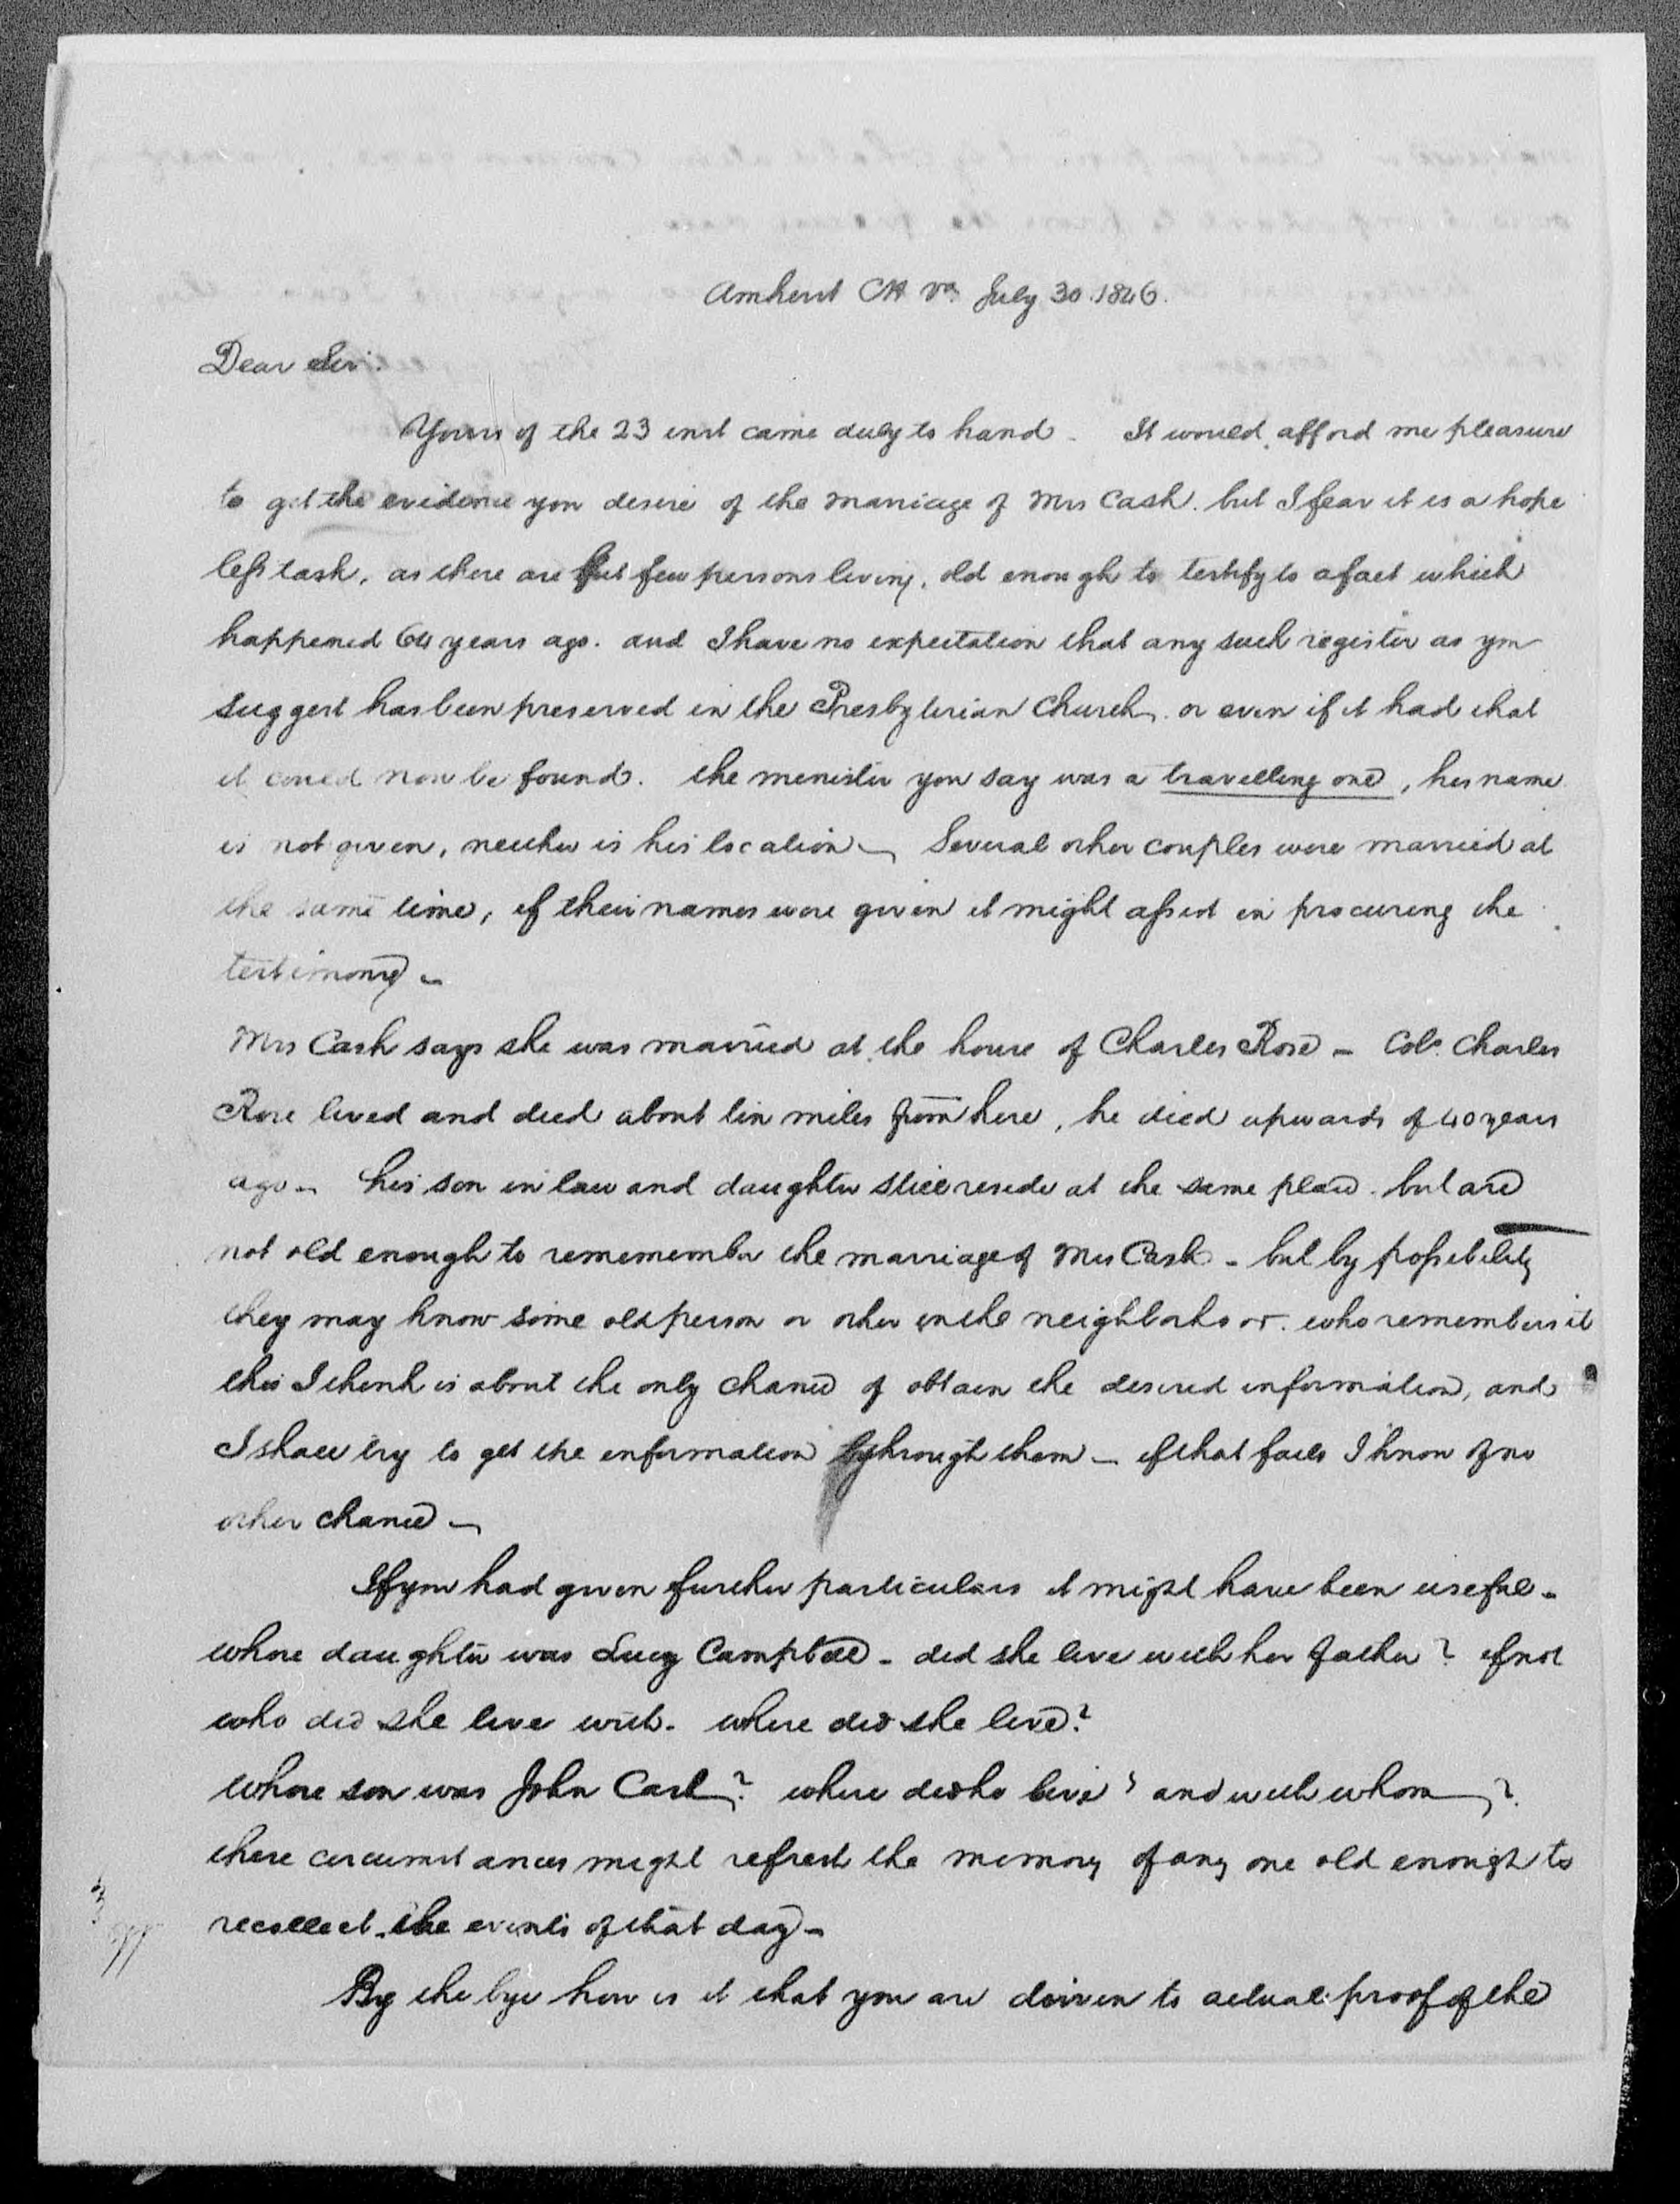Amherst  July 30 1846
Dear Sir 
Yours of the 23 insta came duly to hand. It would afford me pleasure to get the evidence you desire of the marriage of Mrs. Cash, but I fear it is a hope
less task, as there are so few persons living, old enough to testify to a fact which happened 60 years ago and I have no expectation that any such register as you suggest has been preserved in the Presbyterian Church or even if it had that it could now be found. The minister you say was a travelling one, his name is not given, neither is his location. Several other couples were married at the same time, if their names were given it might assist in procuring the testimony.
Mrs. Cash says she was married at the house of Charles Rose - Col. Charles Rose lived and died about nine miles from here. He died upwards of 40 years ago. His son in law and daughter still reside at the same place but are 
not old enough to remember the marriage of Mrs. Cash - but by possibility they may know some old person or other in the neighborhood who remembers it. 
This I think is about the only chance of obtaining the desired information, and I shall try to get the information through them. If that fails, I know of no
other chance. If you had given further particulars, they might have been useful. 
Their daughter was Lucy Campbell. Did she live with her father if not who did she live with. where did she live, whose son was John Carl, where & with whom did he live? 
These circumstances might refresh the memory of any one old enough to recollect the events of that day. 
By the bye how is it that you are driven to actual proof of the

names: Charles Rose, Charles Rose, John Cash, Cash, Cash, Cash, Lucy Campbell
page: 55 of 73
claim: widow's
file: W. 5,894, John Cash, Va.